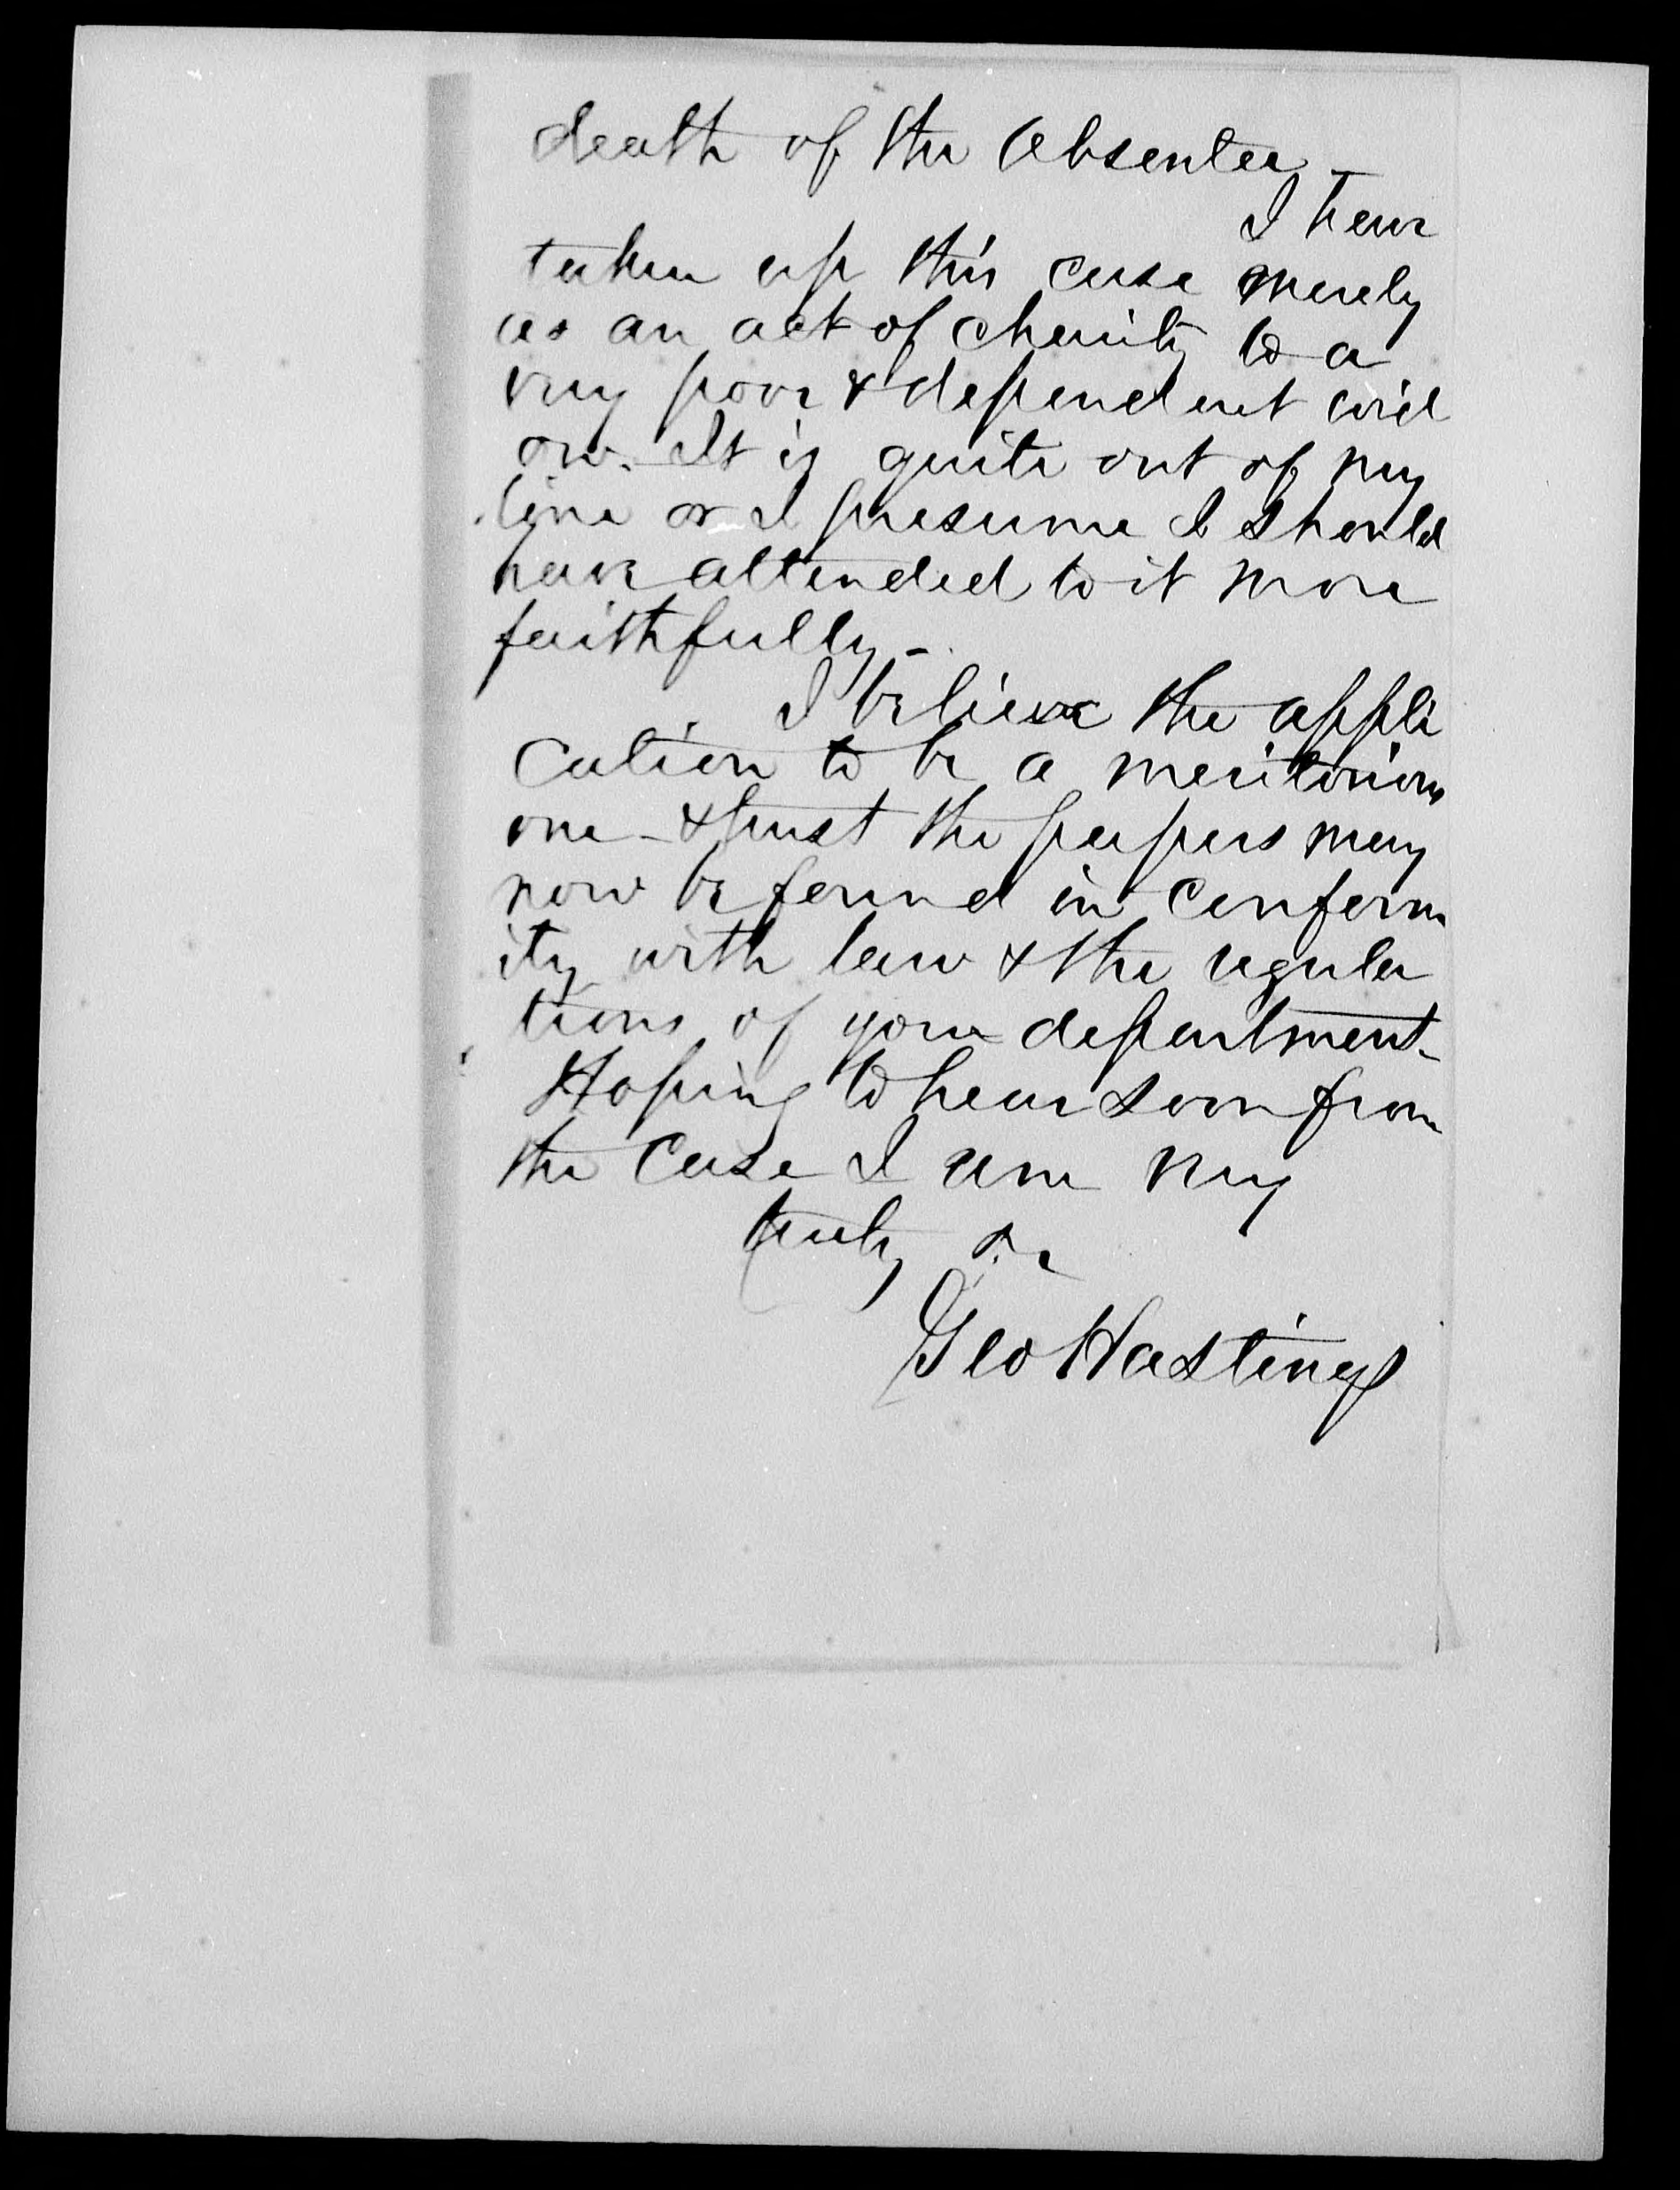death of the absentee 
I have taken up this case merely
as an act of charity to a
very poor & dependent widow
. It is quite out of my
line or I presume I should
have attended to it more
faithfully-
I believe the application
 to be a Meriton
one & trust the papers may
now be found in conformity
city with law & the regular
of your department.
Hoping to hear soon from
the case I am yours
truly

Geo Hastings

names: Geo Hastings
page: 31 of 41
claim: widow's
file: W. 9819, Nathaniel Cumings, Vt.